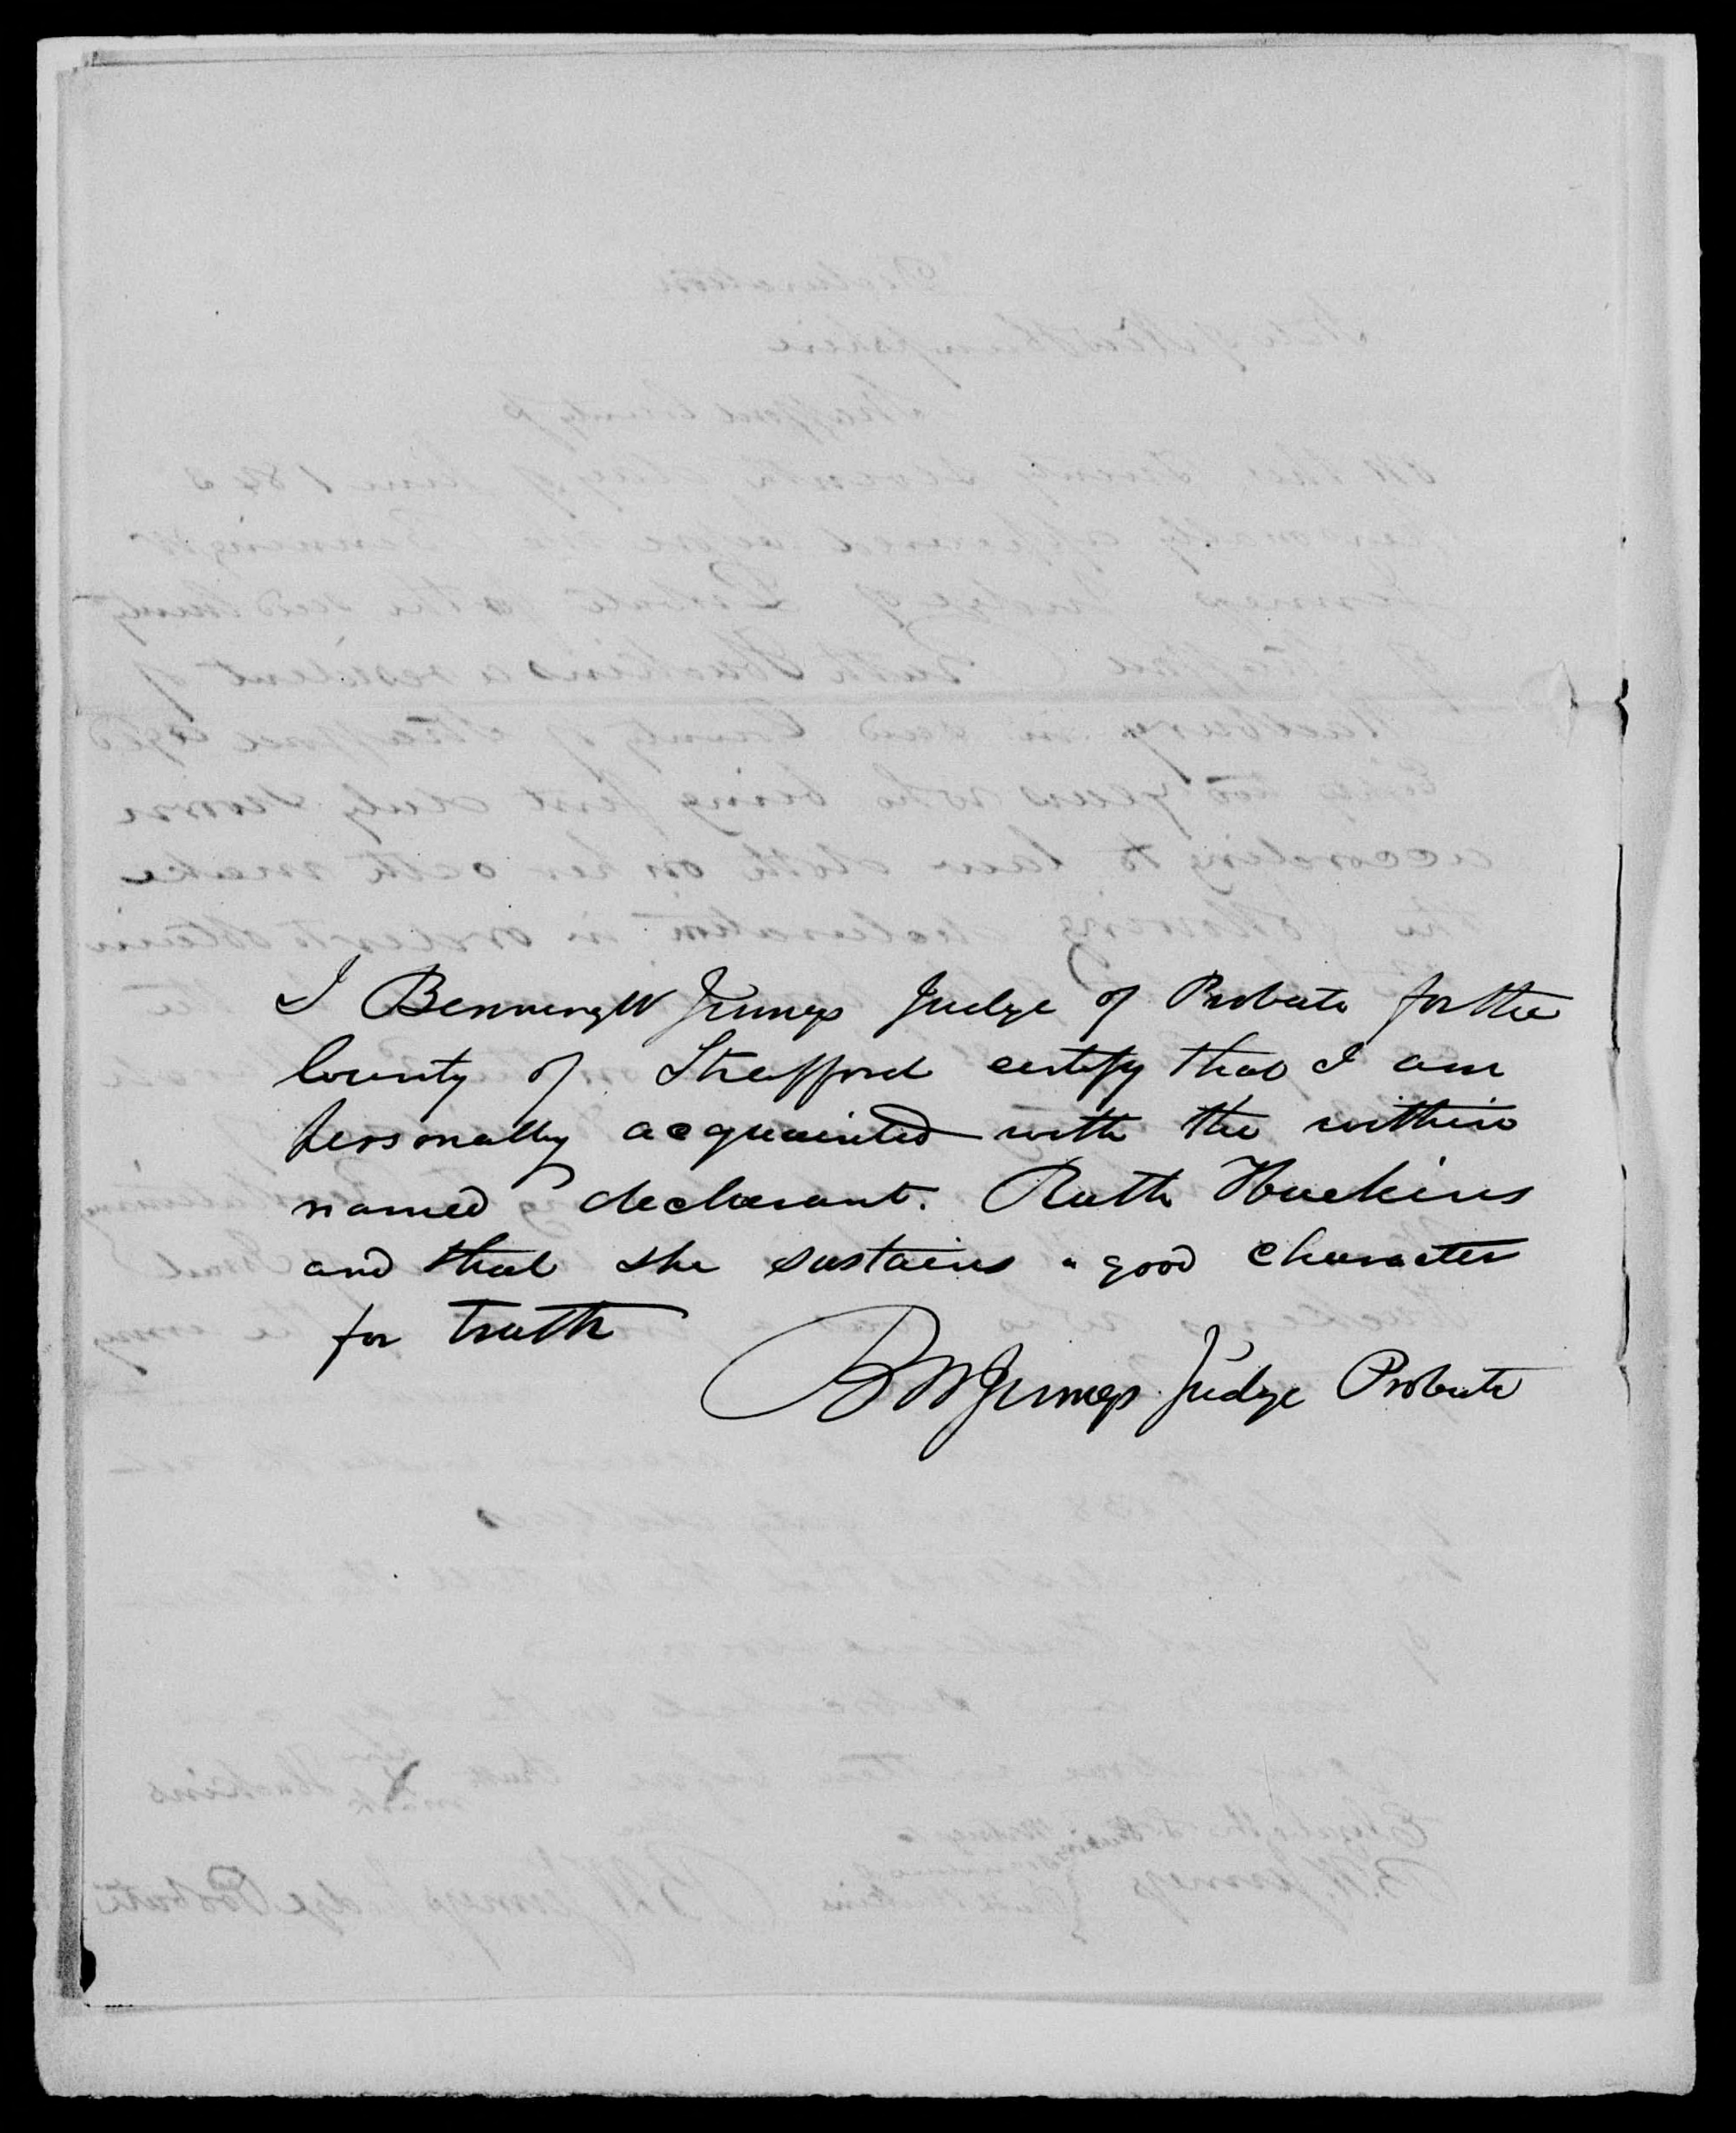I, Benning W. Jenness Judge of Probate within County of Strafford certifies that I am personally acquainted with the within named declarant Ruth Huckins and that she sustains a good character for truth.

B.W. Jenness, Judge Probate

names: Benning W Jenness, Ruth Huckins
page: 34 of 35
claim: widow's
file: W. 16127, Israel Huckins, N.H.